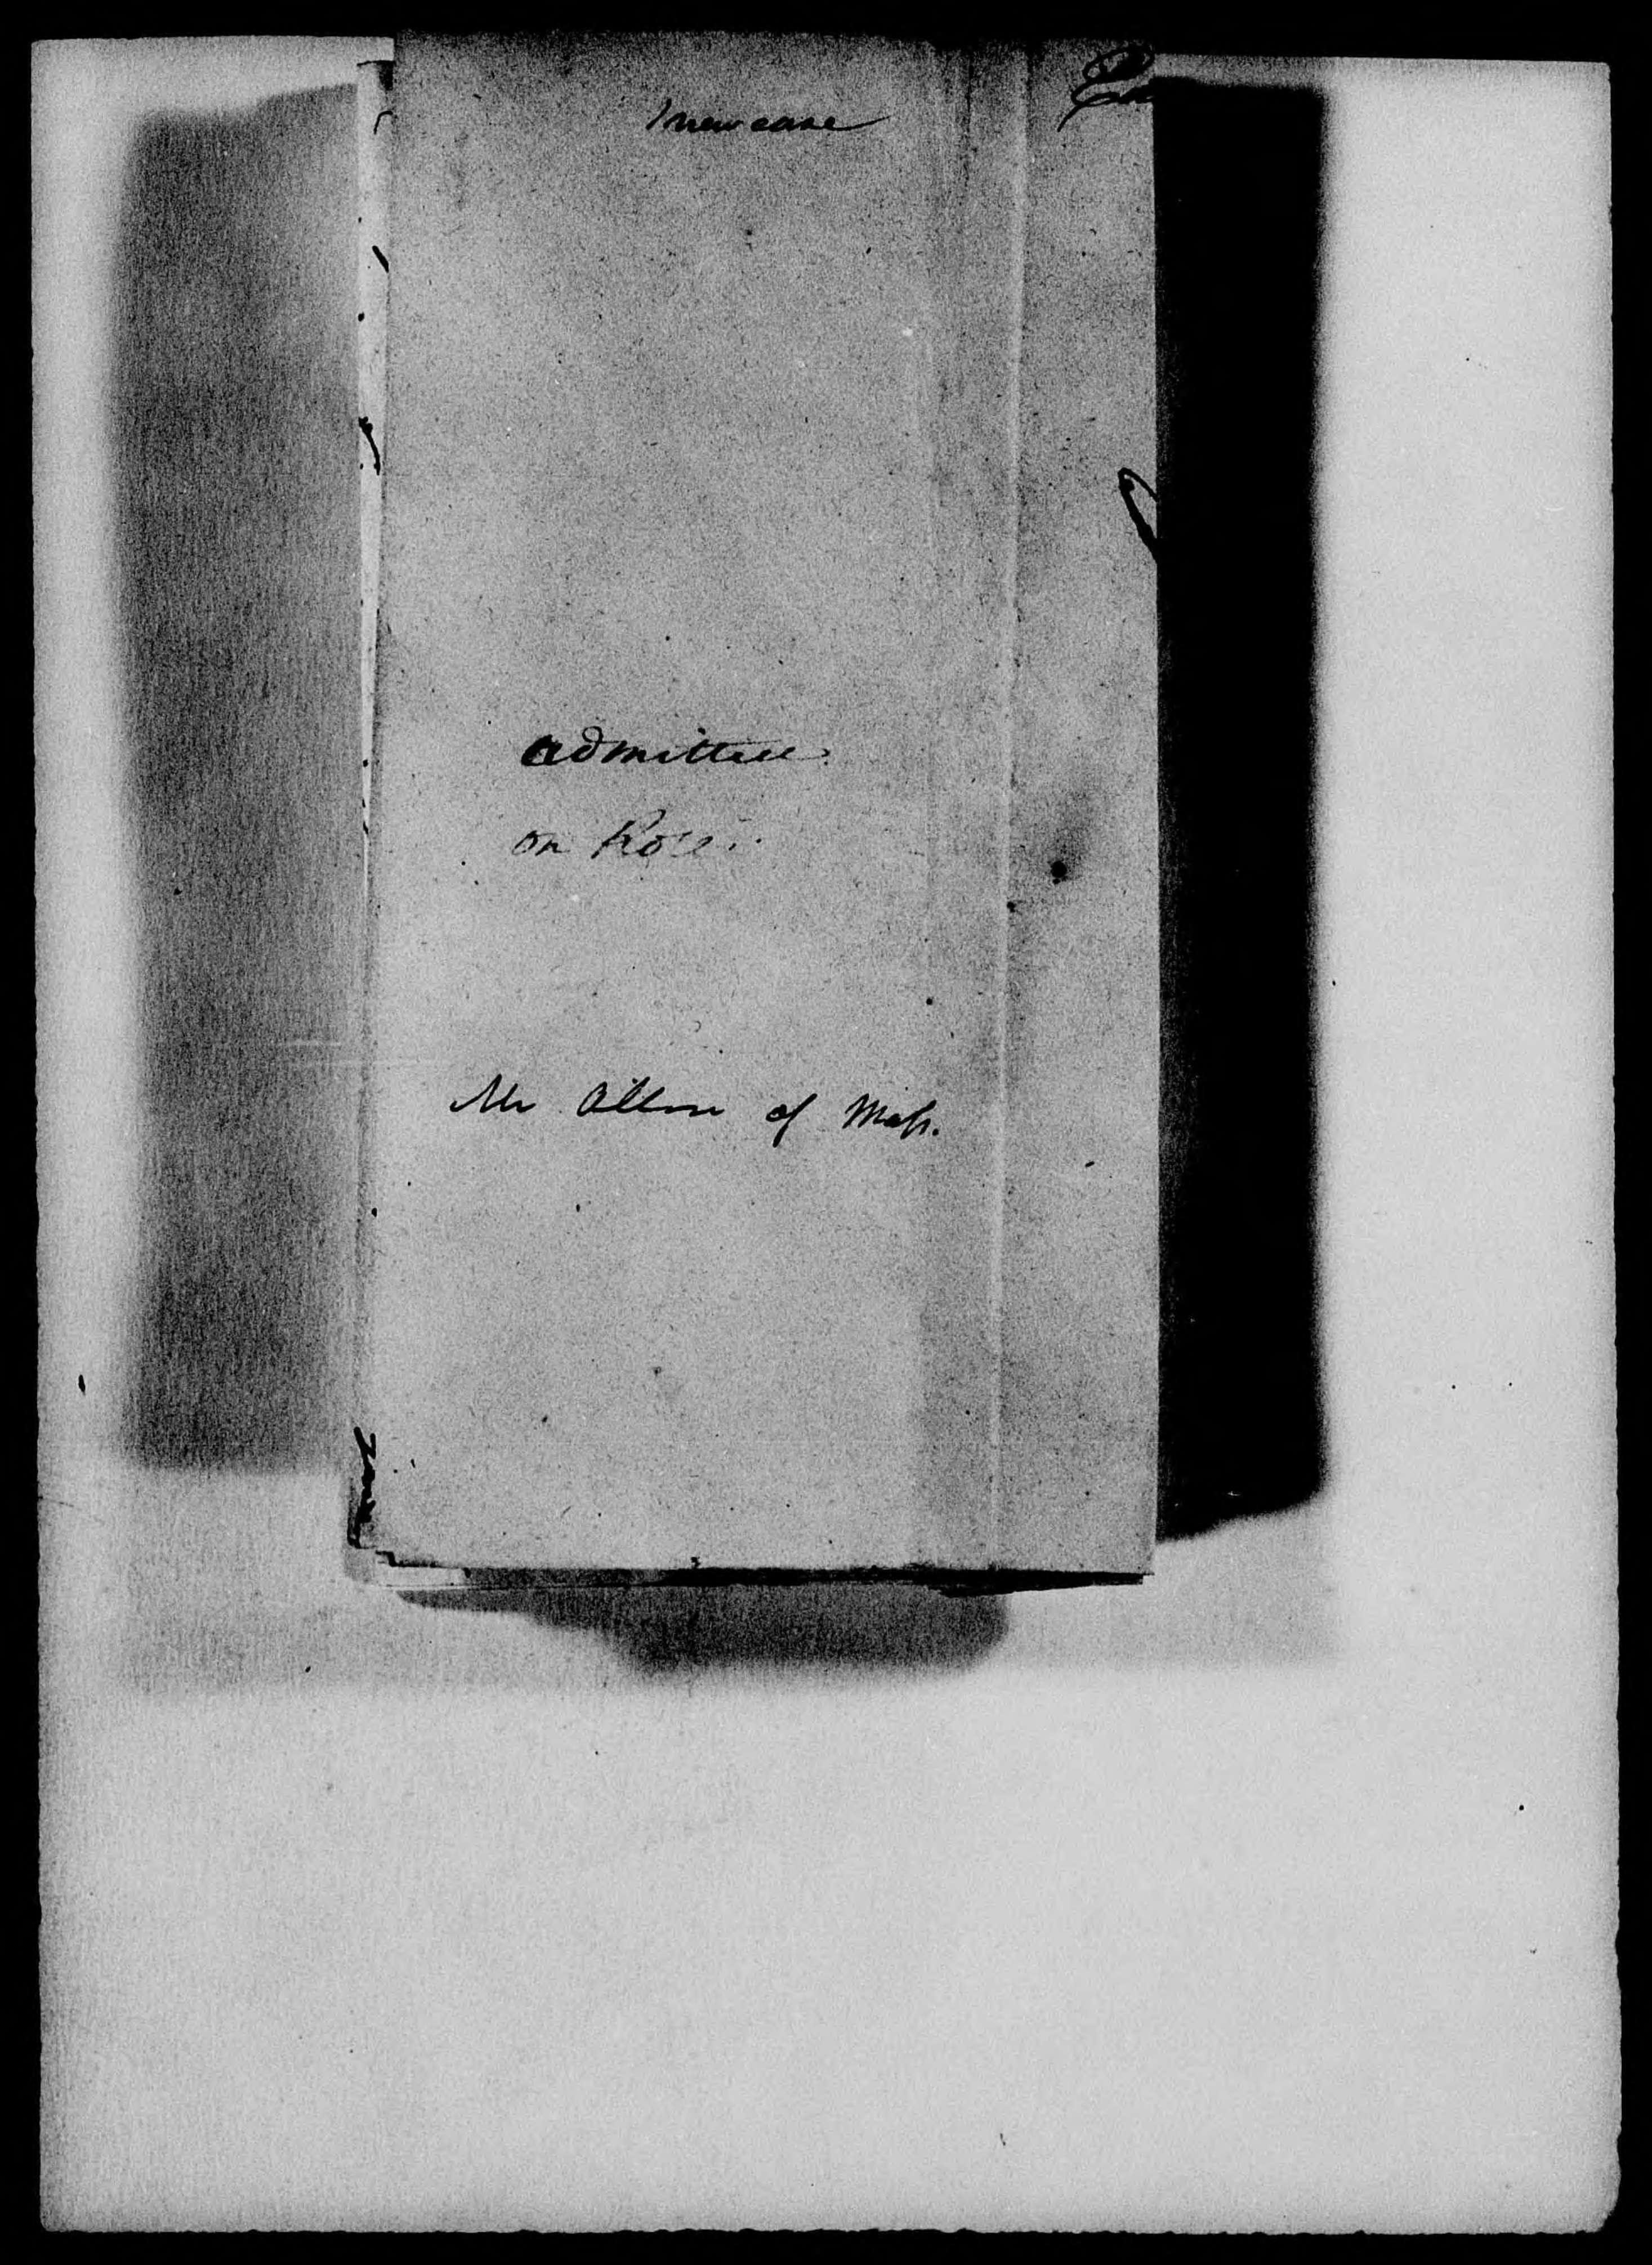1 new case

Admitted on Roll 

Mr Allen of Mass.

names: Allen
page: 3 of 10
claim: survivor's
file: S. 32,841, Edward Houghton, N.H.